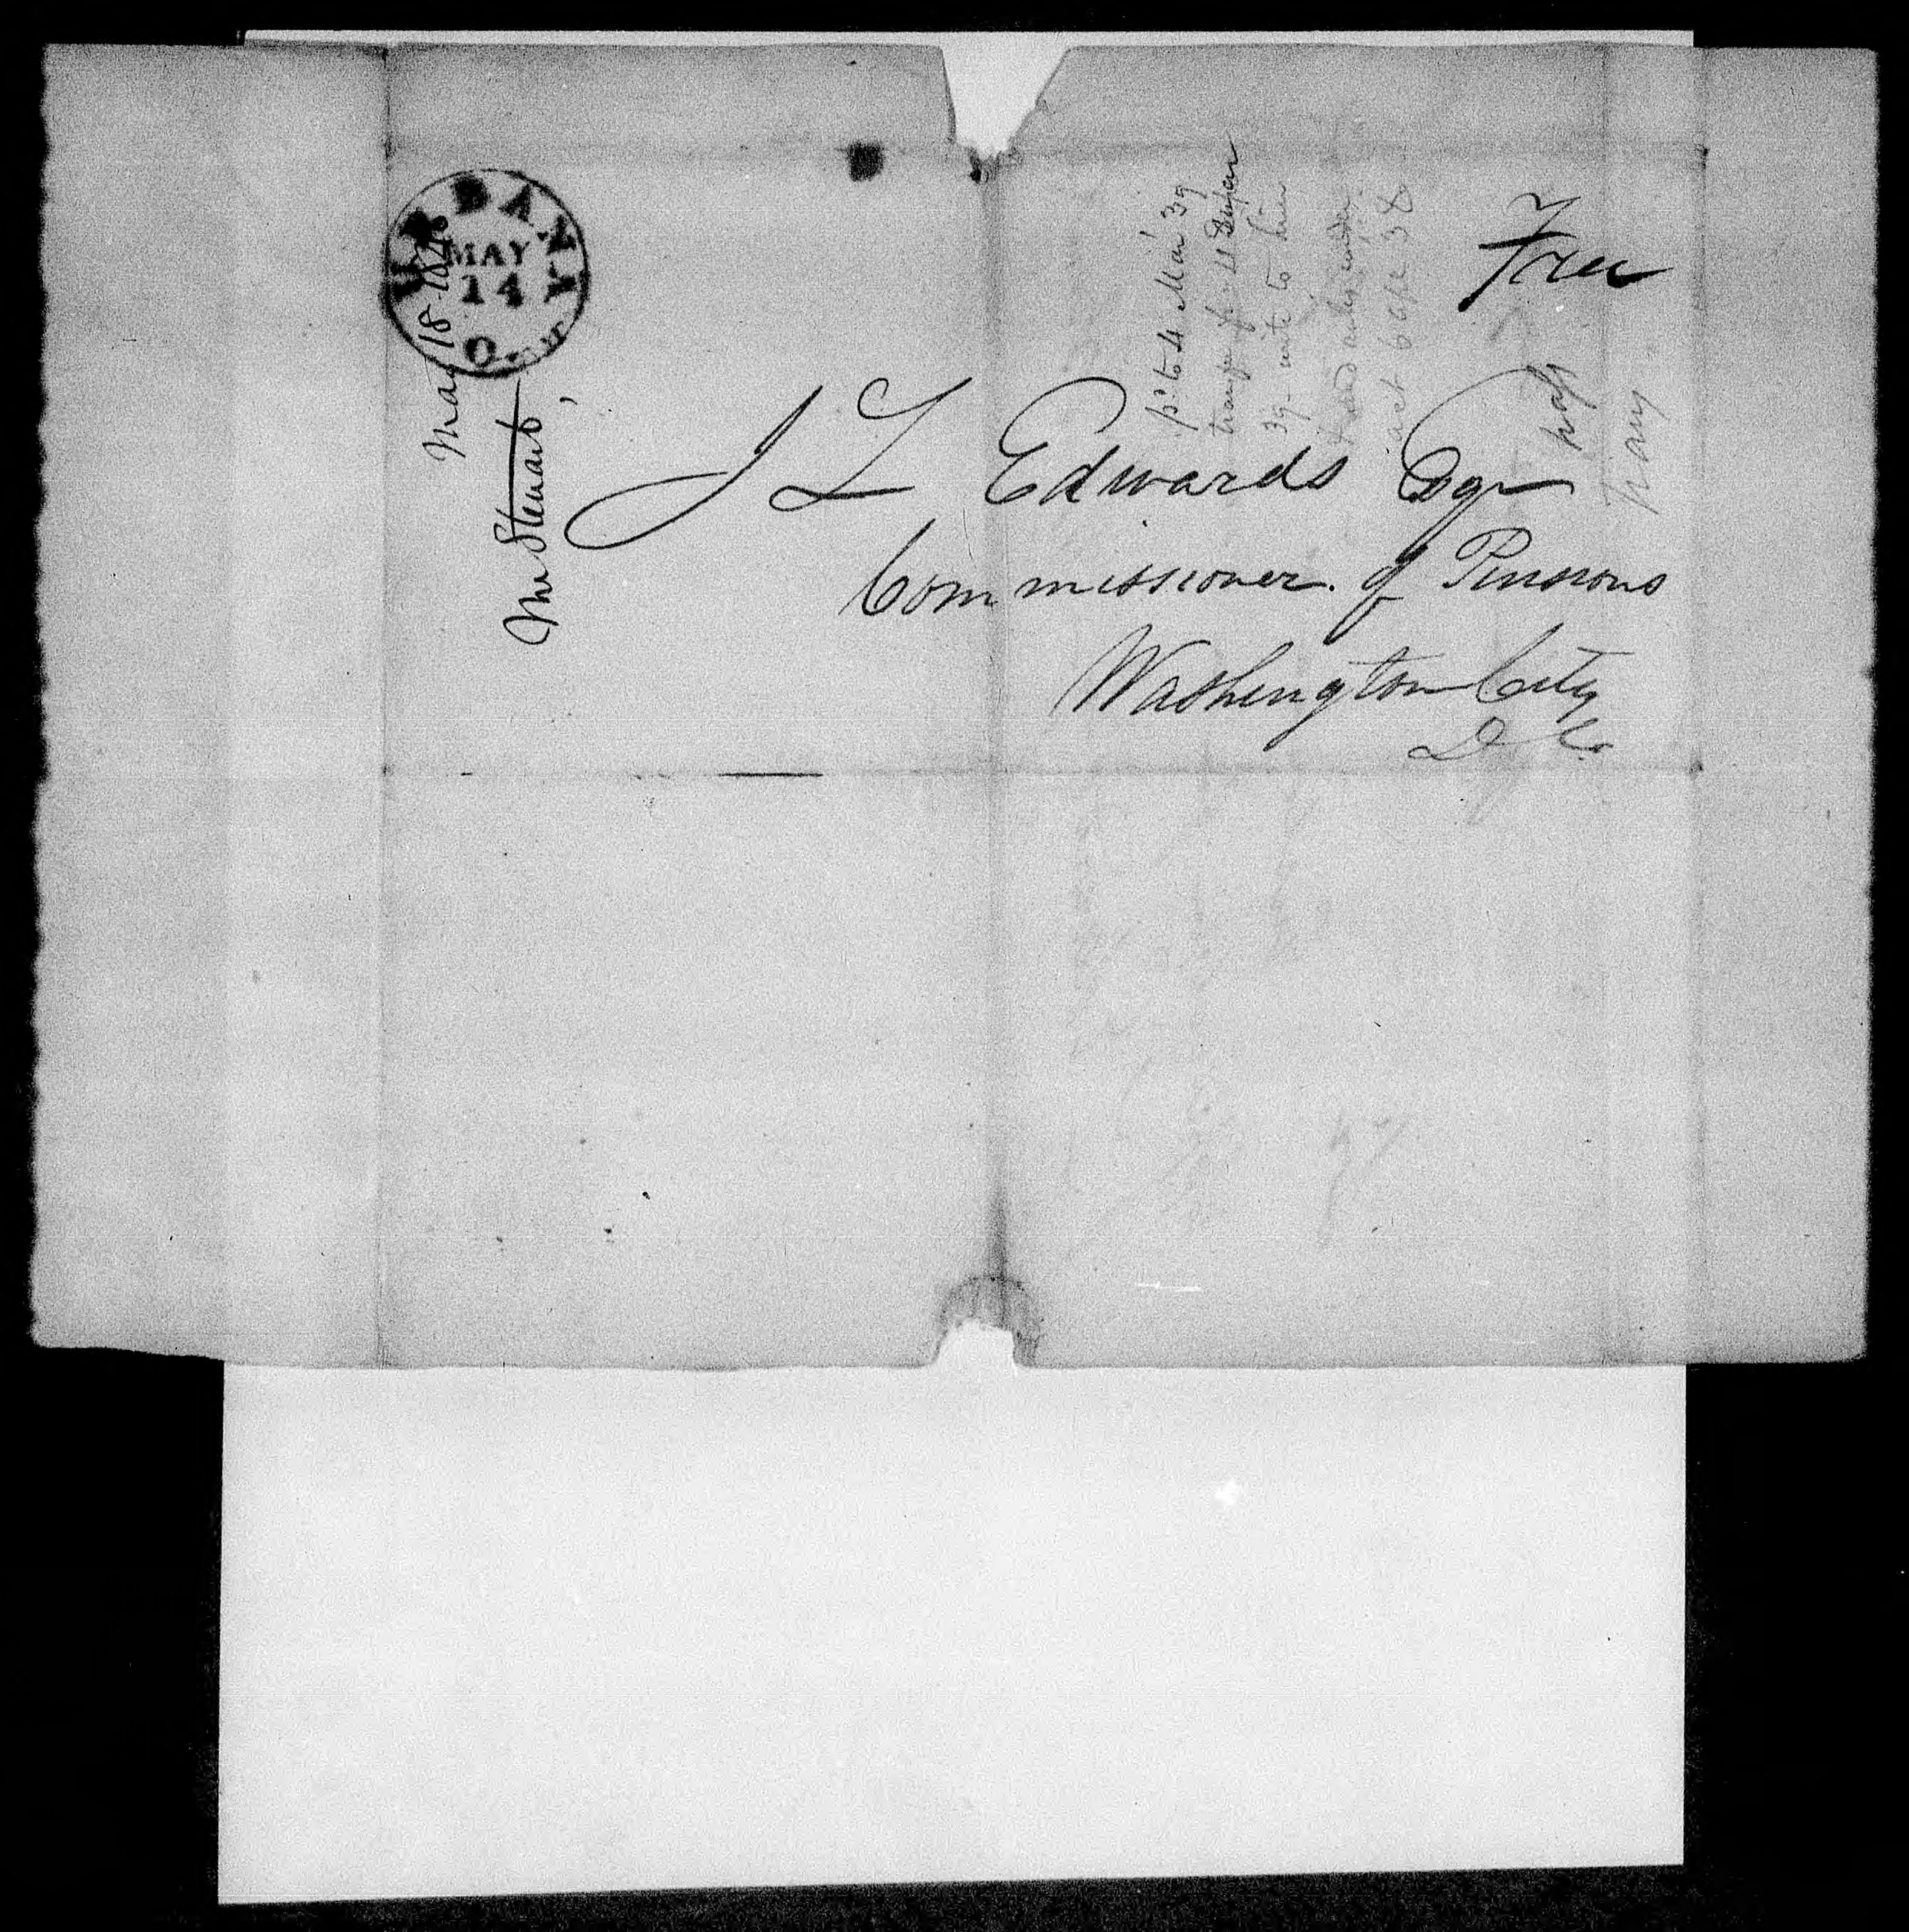{postmark URBANA May 14]
JL Edwards Esq
Commissioner of Pensions
Washington DC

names: Stewart, J L Edwards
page: 24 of 64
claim: survivor's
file: S. 6887, Peter Gideon, Md.